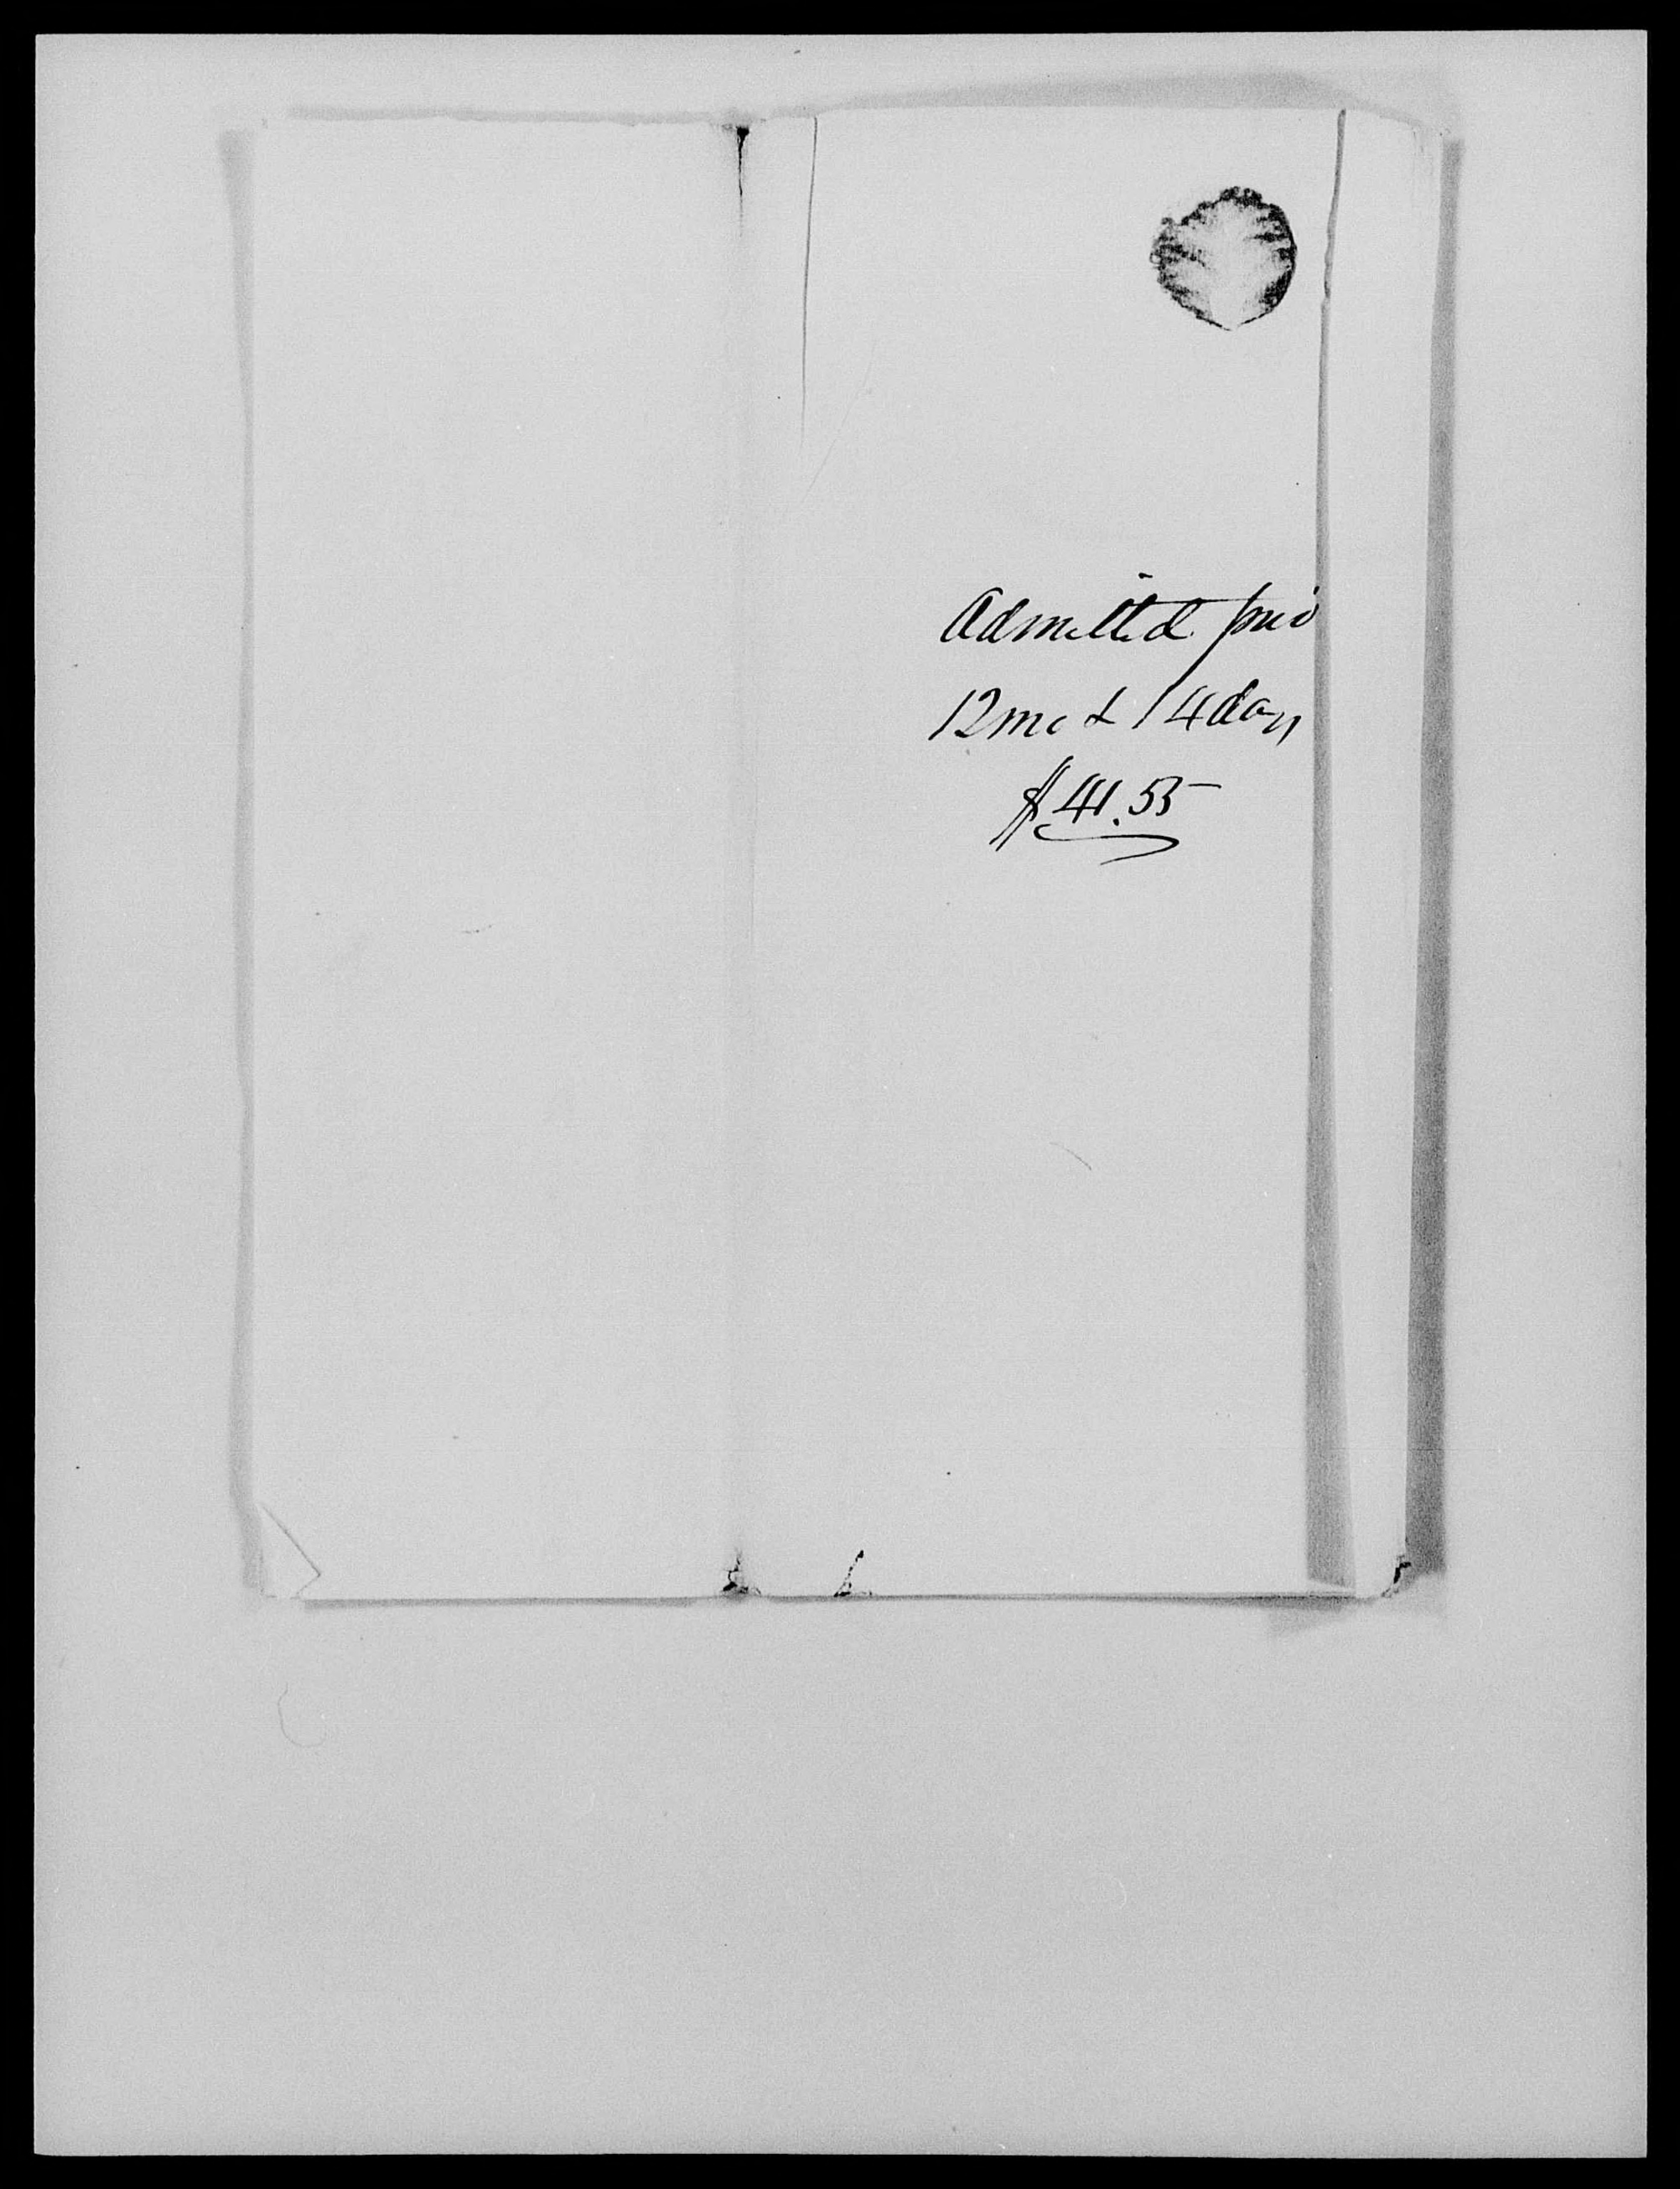Admitted for 12 mos & 14 days  $ 41.55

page: 22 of 35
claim: survivor's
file: S. 9,011, for George Mc Whorter, North Carolina